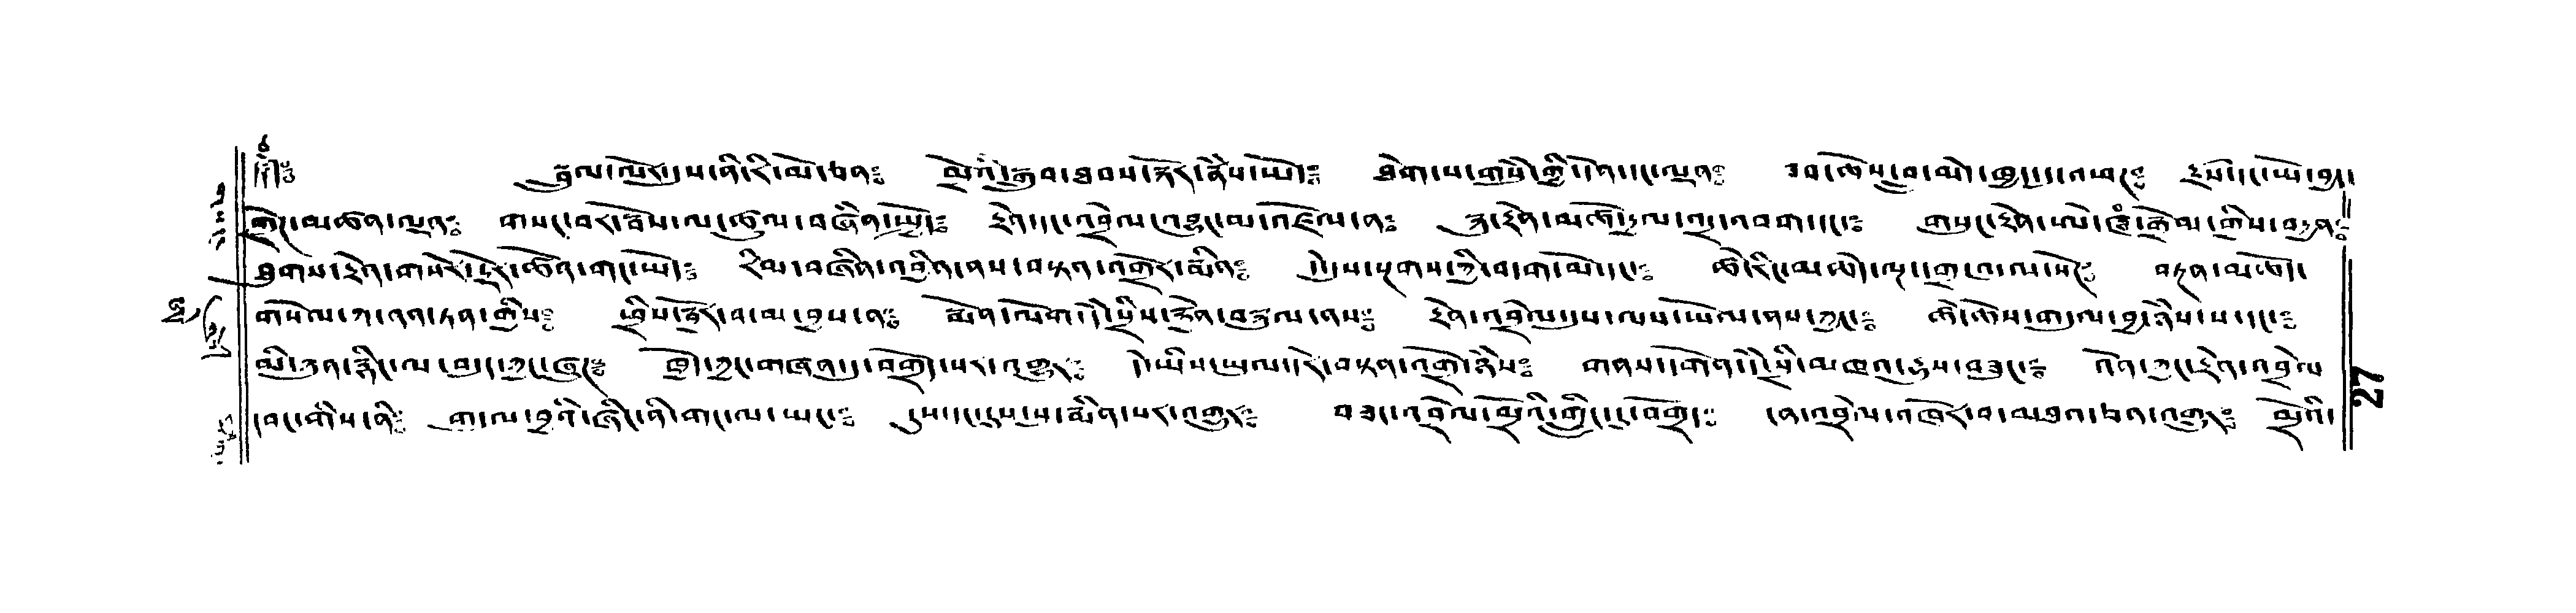སྦྲུལ་ལོར་དུས་ནི་རི་མོ་ཅན༔ མཁའ་འགྲོའི་སྒྲུབ་ཐབས་སྐོར་རྣམས་ཡོད༔ ཐེག་པ་གསུམ་གྱི་དོན་དང་ལྡན༔ ཟབ་ཆོས་བླ་མེད་ཁྱད་དུ་འཕགས༔ རྫས་དང་ཡོ་བྱད་
གྲོགས་མཚན་ལྡན༔ གསང་བར་སྦོས་ལ་ཚུལ་བཞིན་སྤྱོད༔ རྟེན་དང་འབྲེལ་འབྱུང་མ་འཛོལ་ན༔ སྐུ་རྟེན་མཚོ་རྒྱལ་འདྲ་འབག་དང༔ གསུང་རྟེན་ཨེ་ཝཾ་སྒྲོམ་གྱིས་བརྒྱན༔ 
ཐུགས་རྟེན་གསེར་རྡོར་ཚོན་གང་ཡོད༔ རིམ་བཞིན་འབྱིན་ནས་བསྟན་འགྲོར་སྨིན༔ དེ་དུས་སྔགས་ཀྱི་བདག་མོ་དང༔ ཚེ་རིང་མཆེད་ལྔ་དགྲ་འདུལ་སོགས༔ བརྔན་མཆོད་
གསོལ་ཀ་ནན་ཏན་གྱིས༔ ཕྲིན་ལས་སྦྱོར་བ་མ་བྱས་ན༔ སྨོན་ལོག་དམ་སྲིས་རྐྱེན་བསྐུལ་ནས༔ རྟེན་འབྲེལ་དུས་ལས་ཡོལ་ནས་ཀྱང༔ ཚེ་ཆོས་གདུལ་བྱ་ཉམས་པ་དང༔ 
མི་ཀུན་སྙིང་ལ་བདུད་ཀྱང་བཞུགས༔ ཁྱོད་ཀྱང་གཞན་དུ་བགྲོད་པར་འགྱུར༔ དེ་ཡིས་ཡུལ་དེར་བསྟན་འགྲོ་ཉམས༔ གནས་དགོན་དམ་སྲི་མཁའ་རྒྱུས་གཟུང༔ འོན་ཀྱང་རྟེན་འབྲེལ་
དབང་གིས་ནི༔ གདུལ་བྱའི་ཞིང་ནི་གང་ལ་ཡང༔ དུས་དང་དུས་སུ་སྨིན་པར་འགྱུར༔ བཟང་འབྲེལ་མཁའ་འགྲོའི་གླིང་དུ་བགྲོད༔ ངན་འབྲེལ་འཁོར་བ་མཐའ་ཅན་འགྱུར༔ མཁའ་འགྲོའི་